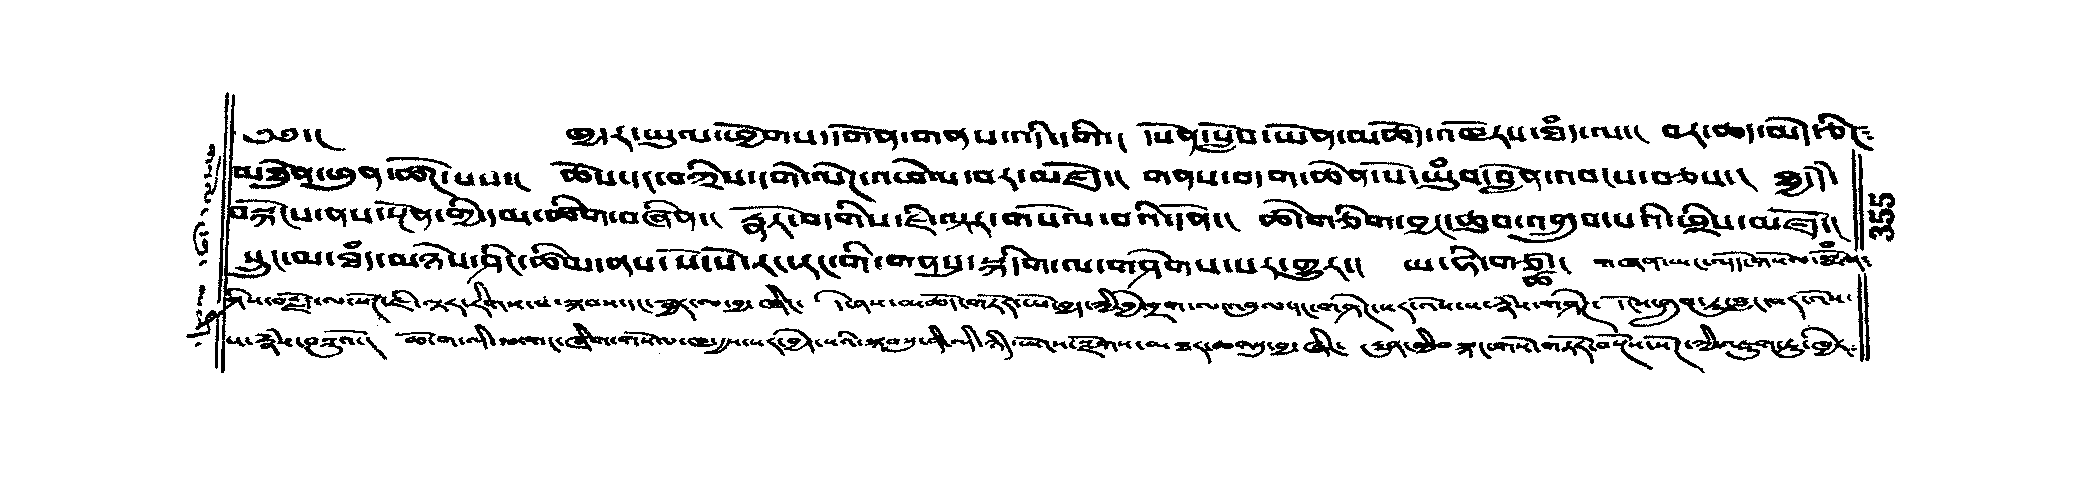ཁྱད་པར་ཡུལ་ཕྱོགས་དགོན་གནས་འདི་དག་གི་།དཔོན་སློབ་ཡོན་མཆོད་འཁོར་བཅས་ཐམས་ཅད་ལ། །བར་ཆད་མེད་ཅིང་
མཐུན་རྐྱེན་ཕུན་ཚོགས་པས། །ཆོས་དང་བཀྲ་ཤིས་དགེ་ལེགས་འཕེལ་བར་མཛོད། །གནས་བདག་ཆེན་པོ་ཡབ་ཡུམ་བློན་འབངས་བཅས། །ཐུགས་དམ་
བསྐོངས་ནས་སྔོན་གྱི་དམ་ཚིག་བཞིན། །རྣལ་འབྱོར་བདག་གིས་ཇི་ལྟར་གསོལ་བའི་དོན། །ཚེ་གཅིག་བྱང་ཆུབ་འགྲུབ་པའི་ཕྲིན་ལས་མཛོད། །
སྲུང་མ་ཐམས་ཅད་མཉེས་ཤིང་ཚིམ་ནས་སོ་སོ་རང་རང་གི་གནས་སུ་སྐད་ཅིག་ལ་གཤེགས་པར་གྱུར། ཡ་ཧི་གཙྪ། གཞན་ཡང་འདོད་གསོལ་སྨོན་
ལམ་ཤིས་བརྗོད་ལ་སོགས་ཇི་ལྟར་རིགས་པ་སྐབས་དངསྦྱར་ལ་བྱ་ཞིང་། དེ་ནས་མཆོད་གཏོར་ཡོ་བྱད་ཀྱི་བྱེ་བྲག་ལ་འབུལ་དང་གཤེགས་པར་འོས་པ་རྣམས་གཤེགས། དངོས་གྲུབ་ཏུ་བླང་པར་འོས་
པ་རྣམས་བསྡུའོ། ཆོ་ག་འདི་ལ་གང་ཞིག་གསོལ་ཁ་རྒྱས་པར་བྱེད་པའི་སྐབས་སུ་ནི་ལའདི་ཉིད་ཡོངས་རྫོགས་མཐར་ཆགས་སུ་བྱ་ཞིང་། རྒྱུན་གྱི་བསྐང་གསོ་གཏོར་བསྔོས་སོགས་ཀྱི་འཇུག་ཏུ་ཁྱེར་